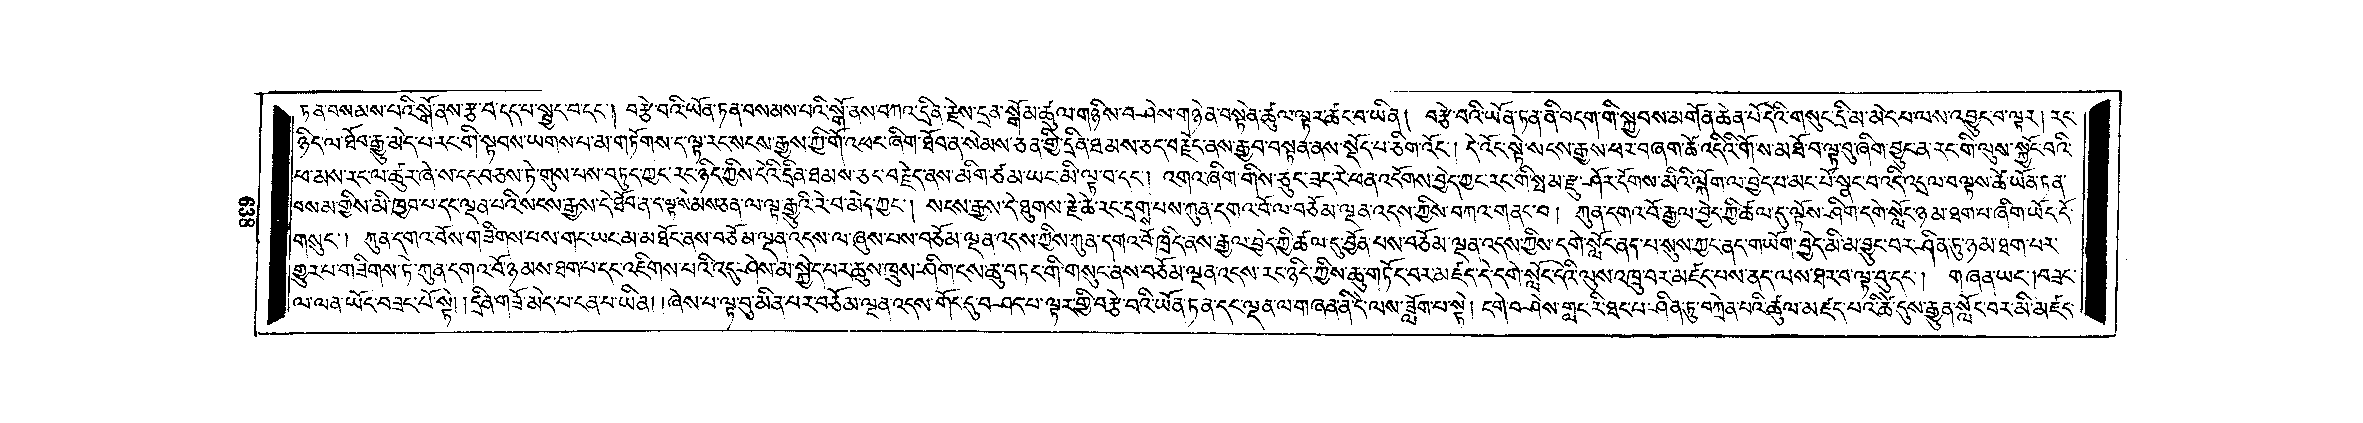ཏན་བསམས་པའི་སྒོ་ནས་རྩ་བ་དད་པ་སྦྱད་པ་དང་། བརྩེ་བའི་ཡོན་ཏན་བསམས་པའི་སྒོ་ནས་བཀའ་དྲིན་རྗེས་དྲན་སྒོམ་ཚུལ་གཉིས་བཤེས་གཉེན་བསྟེན་ཚུལ་ལྟར་ཚང་བ་ཡིན། བརྩེ་བའི་ཡོན་ཏན་ནི་བདག་གི་སྐྱབས་མགོན་ཆེན་པོ་དེའི་གསུང་དྲི་མ་མེད་པ་ལས་འབྱུང་བ་ལྟར། རང་
ཉིད་ལ་ཐོབ་རྒྱུ་མེད་པ་རང་གི་སྟབས་ཡགས་པ་མ་གཏོགས་ད་ལྟ་རང་སངས་རྒྱས་ཀྱི་གོ་འཕང་ཞིག་ཐོབ་ན་སེམས་ཅན་གྱི་དྲིན་ཐམས་ཅད་བརྗེད་ནས་རྒྱབ་བསྟན་ནས་སྡོད་པ་ཅིག་འོང་། དེ་འོང་སྟེ་སངས་རྒྱས་ཕར་བཞག་ཚེ་འདིའི་གོ་ས་མཐོ་བ་ལྟ་བུ་ཞིག་བྱུང་ན་རང་གི་ལུས་སྐྱོང་བའི་
ཕ་མས་རང་ལ་ཚུར་ཞེ་ས་དང་བཅས་ཏེ་གུས་པས་བཏུད་ཀྱང་རང་ཉིད་ཀྱིས་དེའི་དྲིན་ཐམས་ཅད་བརྗེད་ནས་མིག་ཙམ་ཡང་མི་ལྟ་བ་དང་། འགའ་ཞིག་གིས་ཅུང་ཟད་རེ་ཕན་འདོགས་བྱེད་ཀྱང་རང་གི་སྤམ་རྫུ་ཤོར་དོགས་མིའི་ལྐོག་ལ་བྱེད་པ་མང་པོ་སྣང་བ་འདི་འདྲ་ལ་བལྟས་ཚེ་ཡོན་ཏན་
བསམ་གྱིས་མི་ཁྱབ་པ་དང་ལྡན་པའི་སངས་རྒྱས་དེ་ཐོབ་ན་ད་ལྟ་སེམས་ཅན་ལ་ལྟ་རྒྱུའི་རེ་བ་མེད་ཀྱང་། སངས་རྒྱས་དེ་ཐུགས་རྗེ་ཆེ་རང་དྲགས་པས་ཀུན་དགའ་བོ་ལ་བཅོམ་ལྡན་འདས་ཀྱིས་བཀའ་གནང་བ། ཀུན་དགའ་བོ་རྒྱལ་བྱེད་ཀྱི་ཚལ་དུ་ལྟོས་ཤིག་དགེ་སློང་ཉམ་ཐག་པ་ཞིག་ཡོད་དོ་
གསུང་། ཀུན་དགའ་བོས་གཟིགས་པས་གང་ཡང་མ་མཐོང་ནས་བཅོམ་ལྡན་འདས་ལ་ཞུས་པས་བཅོམ་ལྡན་འདས་ཀྱིས་ཀུན་དགའ་བོ་ཁྲིད་ནས་རྒྱལ་བྱེད་ཀྱི་ཚལ་དུ་བྱོན་པས་བཅོམ་ལྡན་འདས་ཀྱིས་དགེ་སློང་ནད་པ་སུས་ཀྱང་ནད་གཡོག་བྱེད་མི་མ་བྱུང་བར་ཤིན་ཏུ་ཉམ་ཐག་པར་
གྱུར་པ་གཟིགས་ཏེ་ཀུན་དགའ་བོ་ཉམས་ཐག་པ་དང་འཇིགས་པའི་འདུ་ཤེས་མ་སྐྱེད་པར་ཆུས་ཁྲུས་ཤིག་ངས་ཆུ་བཏང་གི་གསུང་ནས་བཅོམ་ལྡན་འདས་རང་ཉིད་ཀྱིས་ཆུ་གཏོང་བར་མཛད་དེ་དགེ་སློང་དེའི་ལུས་འཁྲུ་བར་མཛད་པས་ནད་ལས་ཐར་བ་ལྟ་བུ་དང་། གཞན་ཡང་། བཟང་
ལ་ལན་ཡོད་བཟང་པོ་སྟེ། །དྲིན་གཟོ་མེད་པ་ངན་པ་ཡིན། །ཞེས་པ་ལྟ་བུ་མིན་པར་བཅོམ་ལྡན་འདས་གོང་དུ་བཤད་པ་ལྟར་གྱི་བརྩེ་བའི་ཡོན་ཏན་དང་ལྡན་ལ་གཞན་ནི་དེ་ལས་ཟློག་པ་སྟེ། དགེ་བཤེས་གླང་རི་ཐང་པ་ཤིན་ཏུ་བཀྲེན་པའི་ཚུལ་མཛད་པའི་ཚེ་དུས་རྒྱུན་སློང་བར་མི་མཛད་